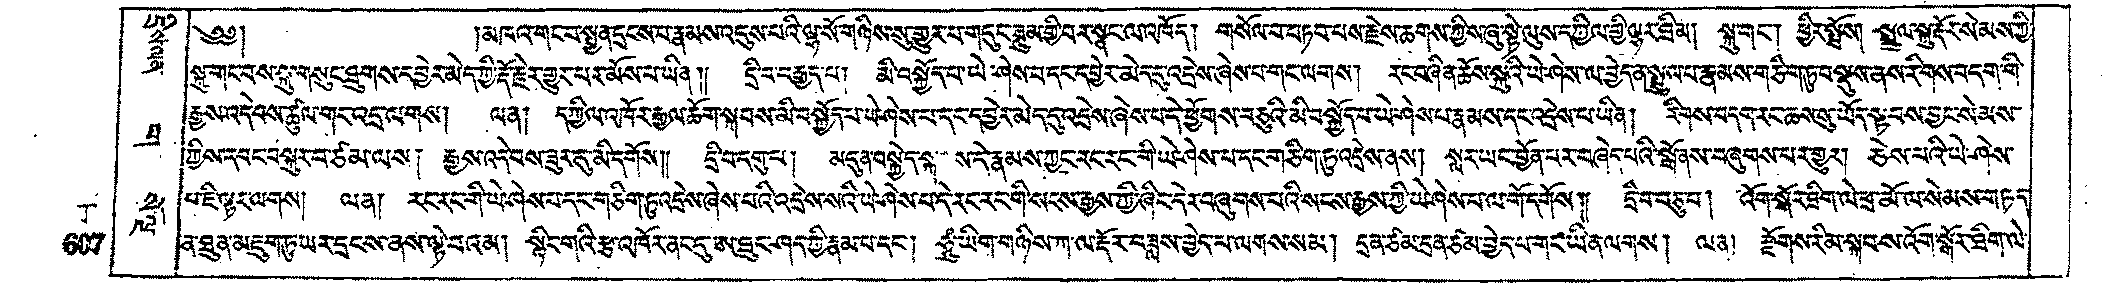༄༅། །མཁའ་གང་བ་སྤྱན་དྲངས་པ་རྣམས་འདུས་པའི་ལྷ་སོ་གཉིས་སུ་གྱུར་པ་གདུང་ཟླུམ་གྱི་བར་སྣང་ལ་འཁོད། གསོལ་བ་བཏབ་པས་རྗེས་ཆགས་ཀྱིས་ཞུ་སྟེ་ལུས་དཀྱིལ་གྱི་ལྷར་ཐིམ། སྐུ་གང་། ཕྱིར་སྤྲོས། སྤྲུལ་སྐུ་རྡོར་སེམས་ཀྱི་
སྐུ་གང་བས་སྐུ་གསུང་ཐུགས་དབྱེར་མེད་ཀྱི་རྡོ་རྗེ་གྱུར་པར་མོས་པ་ཡིན།། དྲི་བ་བརྒྱད་པ། མི་བསྐྱོད་པ་ཡེ་ཤེས་པ་དང་དབྱེར་མེད་དུ་འདྲེས་ཞེས་པ་གང་ལགས། རང་བཞིན་ཆོས་སྐུའི་ཡེ་ཤེས་ལ་བྱེད་ན་སྤྲུལ་པ་རྣམས་གཅིག་ཏུ་བསྡུས་ནས་རིགས་བདག་གི་
རྒྱས་འདེབས་ཚུལ་གང་འདྲ་ལགས། ལན། དཀྱིལ་འཁོར་རྒྱལ་ཆོག་སྐབས་མི་བསྐྱོད་པ་ཡེ་ཤེས་པ་དང་དབྱེར་མེད་དུ་འདྲེས་ཞེས་པ་དེ་ཕྱོགས་བཅུའི་མི་བསྐྱོད་པ་ཡེ་ཤེས་པ་རྣམས་དང་འདྲེས་པ་ཡིན། རིགས་བདག་རང་ཆས་སུ་ཡོད་སྟབས་བྱང་སེམྶ་་་
ཀྱིས་དབང་བསྐུར་བ་ཙམ་ལས། རྒྱས་འདེབས་ཟུར་དུ་མི་དགོས།། དྲི་བ་དགུ་པ། མདུན་བསྐྱེད་སྐབས་དེ་རྣམས་ཀྱང་རང་རང་གི་ཡེ་ཤེས་པ་དང་གཅིག་ཏུ་འདྲེས་ནས། སླར་ཡང་བྱོན་པར་བཞེད་པའི་སྒོ་ནས་བཞུགས་པར་གྱུར། ཅེས་པའི་ཡེ་ཤེས་
པ་ཇི་ལྟར་ལགས། ལན། རང་རང་གི་ཡེ་ཤེས་པ་དང་གཅིག་ཏུ་འདྲེས་ཞེས་པའི་འདྲེས་སའི་ཡེ་ཤེས་པ་དེ་རང་རང་གི་སངས་རྒྱས་ཀྱི་ཞིང་དེར་བཞུགས་པའི་སངས་རྒྱས་ཀྱི་ཡེ་ཤེས་པ་ལ་གོ་དགོས།། དྲི་བ་བཅུ་པ། འོག་སྒོར་ཐིག་ལེ་ཕྲ་མོ་ལ་སེམས་གཏད་
ན་ཐུན་མཇུག་ཏུ་ཡར་དྲངས་ནས་ལྟེ་བའམ། སྙིང་གའི་རྩ་འཁོར་ནང་དུ་ཨ་ཐུང་ཤད་ཀྱི་རྣམ་པ་དང་། ཧཱུཾ་ཡིག་གཉིས་ཀ་ལ་རྡོར་བཟླས་བྱེད་པ་ལགས་སམ། དྲན་ཙམ་དྲན་ཙམ་བྱེད་པ་གང་ཡིན་ལགས། ལན། རྫོགས་རིམ་སྐབས་འོག་སྒོར་ཐིག་ལེ་